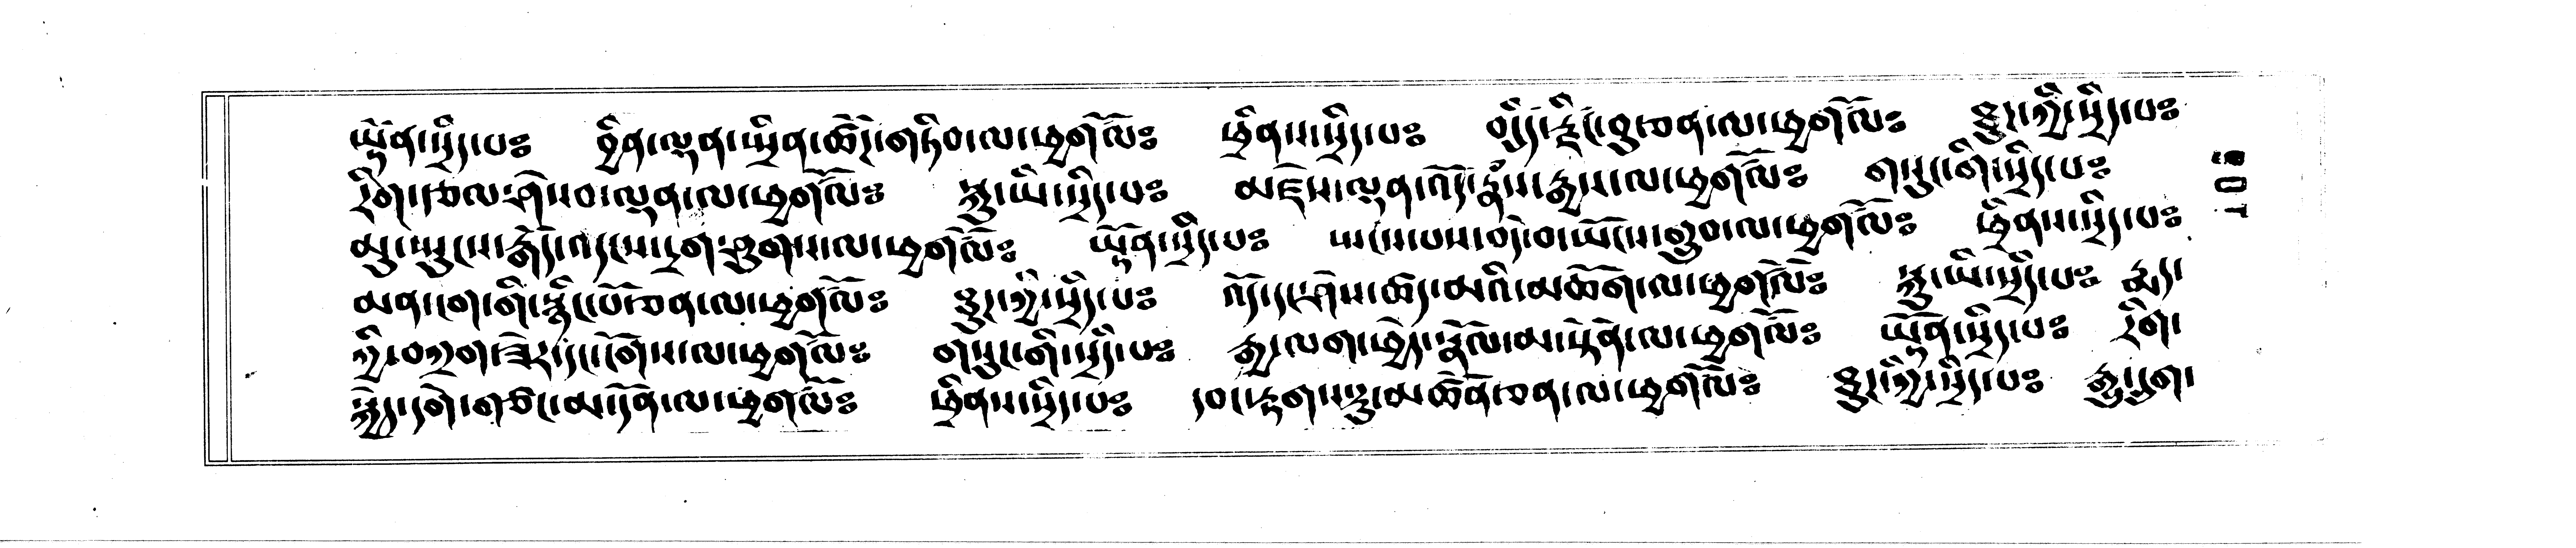ཡོན་ཏན་གྱི་སྲིད་པཿ བྱིན་ལྡན་སྤྲིན་ཚོགས་གཏིབས་ལ་ཕྱག་འཚལ་ལོཿ ཕྲིན་ལས་ཀྱི་སྲིད་པཿ བདུད་རྩའི་རྫིང་བུ་ཅན་ལ་ཕྱག་འཚལ་ལོཿ ཐུགས་ཀྱི་སྲིད་པཿ 
རིག་རྩལ་ཤེས་རབ་ལྡན་ལ་ཕྱག་འཚལ་ལོཿ སྐུ་ཡི་སྲིད་པཿ མཛེས་ལྡན་འོད་རྣམས་རྒྱས་ལ་ཕྱག་འཚལ་ལོཿ གསུང་གི་སྲིད་པཿ
 མུ་སྤུངས་རྒོད་འདབ་དྲག་ཤུགས་ལ་ཕྱག་འཚལ་ལོཿ ཡོན་ཏན་གྱི་སྲིད་པཿ སྤངས་པས་བདེ་བ་ཡོངས་སུ་གྲུབ་ལ་ཕྱག་འཚལ་ལོཿ ཕྲིན་ལས་ཀྱི་སྲིད་པཿ 
མན་ངག་གི་སྙིང་པོ་ཅན་ལ་ཕྱག་འཚལ་ལོཿ ཐུགས་ཀྱི་སྲིད་པཿ འོད་དང་ཤེས་ཚད་མའི་མཆོག་ལ་ཕྱག་འཚལ་ལོཿ སྐུ་ཡི་སྲིད་པཿ རྨད་
ཀྱི་བཀྲག་ཟེར་དང་ངོགས་ལ་ཕྱག་འཚལ་ལོཿ གསུང་གི་སྲིད་པཿ རྒྱ་ལག་ཕྱེད་བསྣོལ་མར་སྟོན་ལ་ཕྱག་འཚལ་ལོཿ ཡོན་ཏན་གྱི་སྲིད་པཿ རིག་
སྐྱེད་དག་གཙང་མ་དོན་ལ་ཕྱག་འཚལ་ལོཿ ཕྲིན་ལས་ཀྱི་སྲིད་པཿ དབང་རྟགས་རུ་མཚོན་ཅན་ལ་ཕྱག་འཚལ་ལོཿ ཐུགས་ཀྱི་སྲིད་པཿ རྒྱུ་དྲུག་